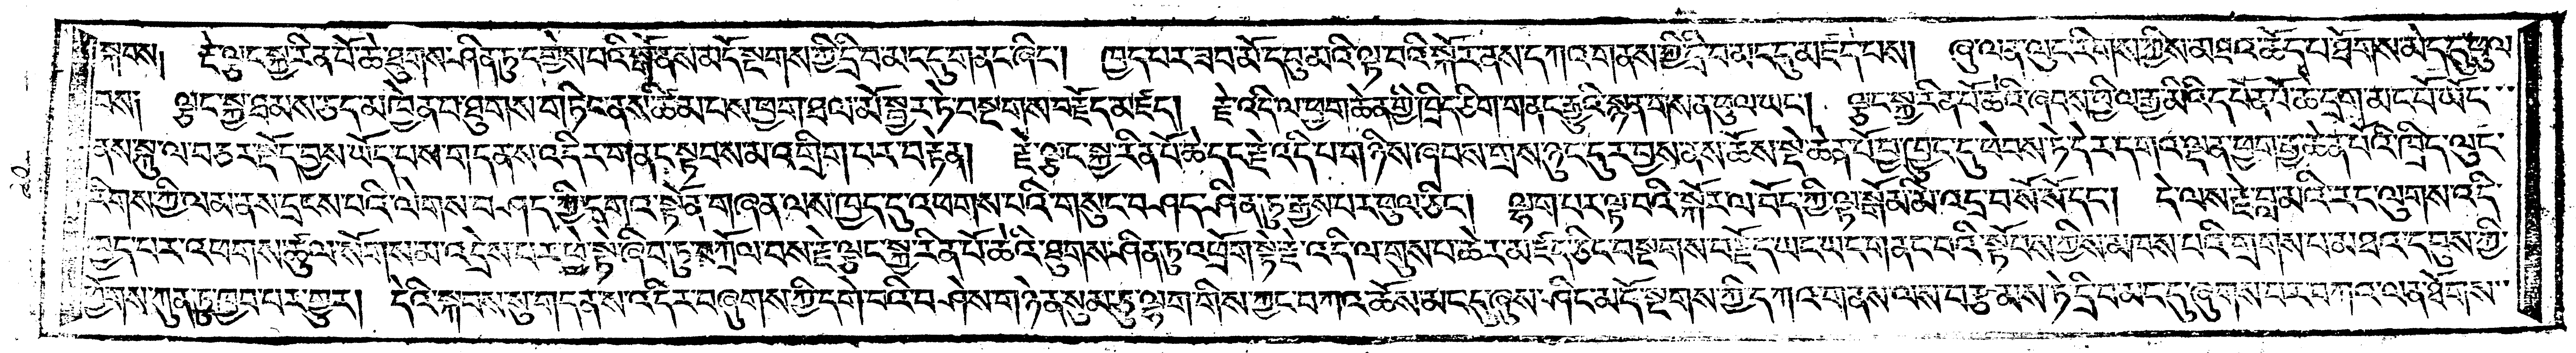སྐབས། རྗེ་ལྕང་སྐྱ་རིན་པོ་ཆེ་ཐུགས་ཤིན་ཏུ་དགྱེས་པའི་སྒོ་ནས་མདོ་སྔགས་ཀྱི་དྲི་བ་མང་དུ་གནང་ཞིང་། ཁྱད་པར་ཟབ་མོ་དབུ་མའི་ལྟ་བའི་སྐོར་ནས་དཀའ་གནས་ཀྱི་དྲི་བ་མང་དུ་མཛད་པས། ཞུ་ལན་ལུང་རིགས་ཀྱིས་མཐའ་ཆོད་པ་ཐོགས་མེད་དུ་ཕུལ་
བས༑ ལྕང་སྐྱ་ཐམས་ཅད་མཁྱེན་པ་ཐུགས་གཏིང་ནས་ཚིམ་པས་ཕྱག་ཐལ་མོ་སྦྱར་ཏེ་བསྔགས་བརྗོད་མཛད། རྗེ་འདི་ལ་ཕྱག་ཆེན་གྱི་ཁྲིད་ཅིག་གནང་རྒྱུའི་སྙན་གསན་ཕུལ་ཡང་། ལྕང་སྐྱ་རིན་པོ་ཆེའི་ཞབས་ཕྱི་ལ་རྒྱ་མིའི་དཔོན་པོ་ཆེ་དྲག་མང་པོ་ཡོང་
ནས་སྐུ་ལ་བཅར་སྡོད་བྱས་ཡོད་པས་གདན་ས་འདིར་གནང་སྟབས་མ་འགྲིག་པར་བརྟེན། རྗེ་ལྕང་སྐྱ་རིན་པོ་ཆེ་དང་རྗེ་འདི་པ་གཉིས་ཞབས་གྲས་ཉུང་དུར་བྱས་ནས་ཆོས་སྡེ་ཆེན་པོ་བྱ་ཁྱུང་དུ་ཕེབས་ཏེ་དེར་དགའ་ལྡན་ཕྱག་རྒྱ་ཆེན་པོའི་ཁྲིད་ལུང་
རིགས་ཀྱི་ལམ་ནས་དྲངས་པའི་ལེགས་བཤད་ཀྱི་དགའ་སྟོན་གཞན་ལས་ཁྱད་དུ་འཕགས་པའི་གསུང་བཤད་ཤིན་ཏུ་རྒྱས་པར་ཕུལ་ཅིང་། ལྷག་པར་ལྟ་བའི་སྐོར་ལ་བོད་ཀྱི་ལྟ་སྒོམ་མི་འདྲ་བ་སོ་སོ་དང་། དེ་ལས་རྗེ་བླ་མའི་རང་ལུགས་འདི་
ཁྱད་པར་འཕགས་ཚུལ་སོགས་མ་འདྲེས་པར་ཕྱེ་སྟེ་ཞིབ་ཏུ་བཀྲོལ་བས་རྗེ་ལྕང་སྐྱ་རིན་པོ་ཆེའི་ཐུགས་ཤིན་ཏུ་འཕྲོག་སྟེ་རྗེ་འདི་ལ་གུས་པ་ཆེར་མཛད་ཅིང་བསྔགས་བརྗོད་ཡང་ཡང་གནང་བའི་སྟོབས་ཀྱིས་མཁས་པའི་གྲགས་པ་མཐའ་དབུས་ཀྱི་
ཕྱོགས་ཀུན་ཏུ་ཁྱབ་པར་གྱུར། དེའི་སྐབས་སུ་གདན་ས་འདིར་བཞུགས་ཀྱི་དགེ་བའི་བཤེས་གཉེན་སུམ་ཅུ་ལྷག་གིས་ཀྱང་བཀའ་ཆོས་མང་དུ་ཞུས་ཤིང་མདོ་སྔགས་ཀྱི་དཀའ་གནས་ལས་བརྩམས་ཏེ་དྲི་བ་མང་དུ་ཞུགས་བར་བཀའ་ལན་ཐོགས་